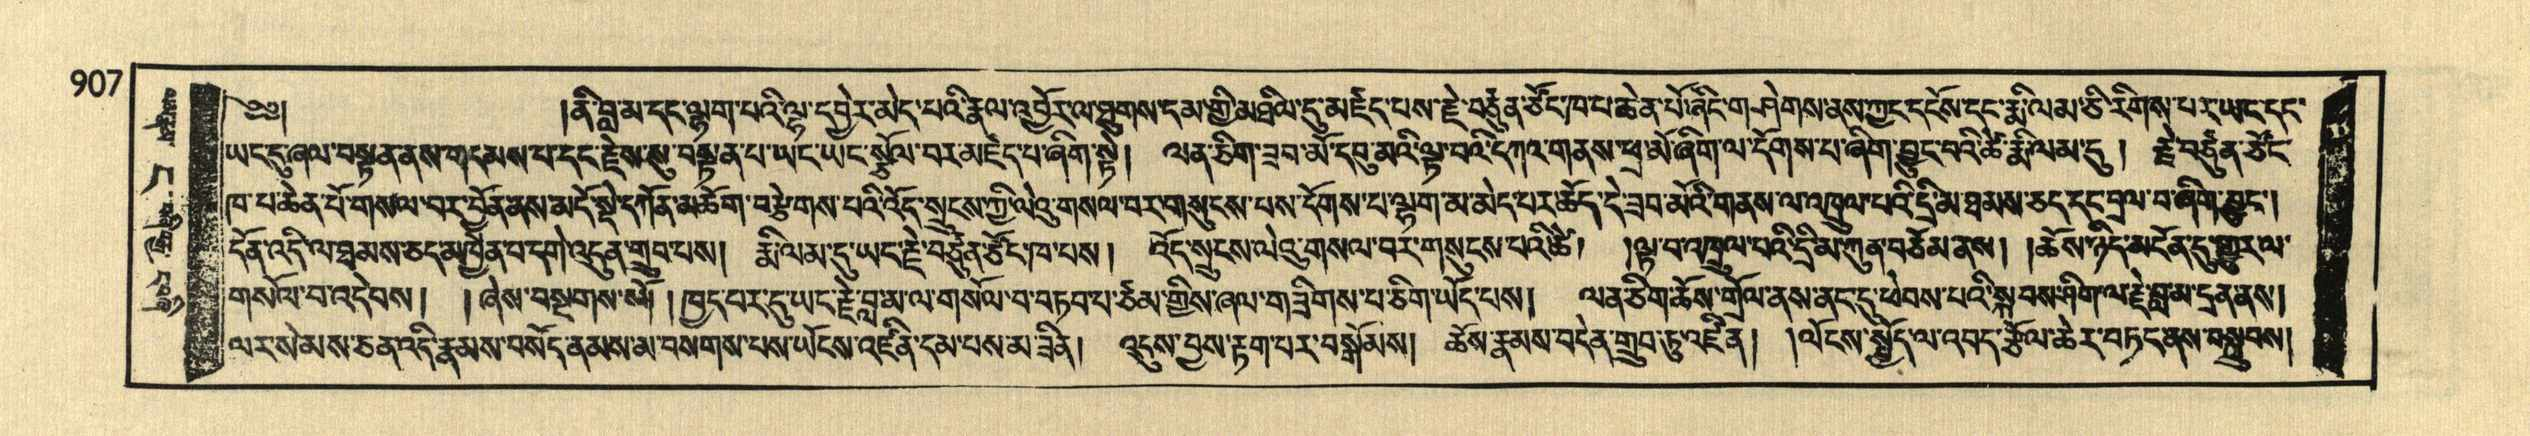༄༅། །ནི་བླ་མ་དང་ལྷག་པའི་ལྷ་དབྱེར་མེད་པའི་རྣལ་འབྱོར་ལ་ཐུགས་དམ་གྱི་མཐིལ་དུ་མཛད་པས་རྗེ་བཙུན་ཙོང་ཁ་པ་ཆེན་པོ་ཞིང་གཤེགས་ནས་ཀྱང་དངོས་དང་རྨི་ལམ་ཅི་རིགས་པར་ཡང་དང་
ཡང་དུ་ཞལ་བསྟན་ནས་གདམས་པ་དང་རྗེས་སུ་བསྟན་པ་ཡང་ཡང་སྩོལ་བར་མཇེད་པ་ཞིག་སྟེ། ལན་ཅིག་ཟབ་མོ་དབུ་མའི་ལྟ་བའི་དཀའ་གནས་ཕྲ་མོ་ཞིག་ལ་དོགས་པ་ཞིག་བྱུང་བའི་ཚེ་རྨི་ལམ་དུ། རྗེ་བཙུན་ཙོང་
ཁ་པ་ཆེན་པོ་གསལ་བར་བྱོན་ནས་མདོ་སྡེ་དཀོན་མཆོག་བརྩེགས་པའི་འོད་སྲུངས་ཀྱི་ལེའུ་གསལ་བར་གསུངས་པས་དགོགས་པ་ལྷག་མ་མེད་པར་ཆོད་དེ་ཟབ་མོའི་གནས་ལ་འཁྲུལ་པའི་དྲི་མ་ཐམས་ཅད་དང་བྲལ་བ་ཞིག་བྱུང་།
དོན་འདི་ལ་ཐམས་ཅད་མཁྱེན་པ་དགེ་འདུན་གྲུབ་པས། རྨི་ལམ་དུ་ཡང་རྗེ་བཙུན་ཙོང་ཁ་པས། འོང་སྲུངས་ལེའུ་གསལ་བར་གསུངས་པའི་ཚེ། །ལྟ་བ་འཁྲུལ་པའི་དྲི་མ་ཀུན་བཅོམ་ནས། །ཆོས་ཉིད་མངོན་དུ་གྱུར་ལ་
གསོལ་བ་འདེབས། །ཞེས་བསྔགས་སོ། །ཁྱད་པར་དུ་ཡང་རྗེ་བླ་མ་ལ་གསོལ་བ་ཏབ་པ་ཙམ་གྱིས་ཞལ་གཟིགས་པ་ཅིག་ཡོད་པས། ལན་ཅིག་ཆོས་གྲོལ་ནས་ནང་དུ་ཕེབས་པའི་སྐབས་ཤིག་ལ་རྗེ་བླ་མ་དྲན་ནས།
ལར་སེམས་ཅན་འདི་རྣམས་བསོད་ནམས་མ་བསགས་པས་ཡོངས་འཛིན་དམ་པས་མ་ཟིན། འདུས་བྱས་རྟག་པར་བསྒོམས། ཆོས་རྣམས་བདེན་གྲུབ་ཏུ་འཛིན། །ལོངས་སྤྱོད་ལ་འབད་རྩོལ་ཆེར་བཏང་ནས་བསྒྲུབས།